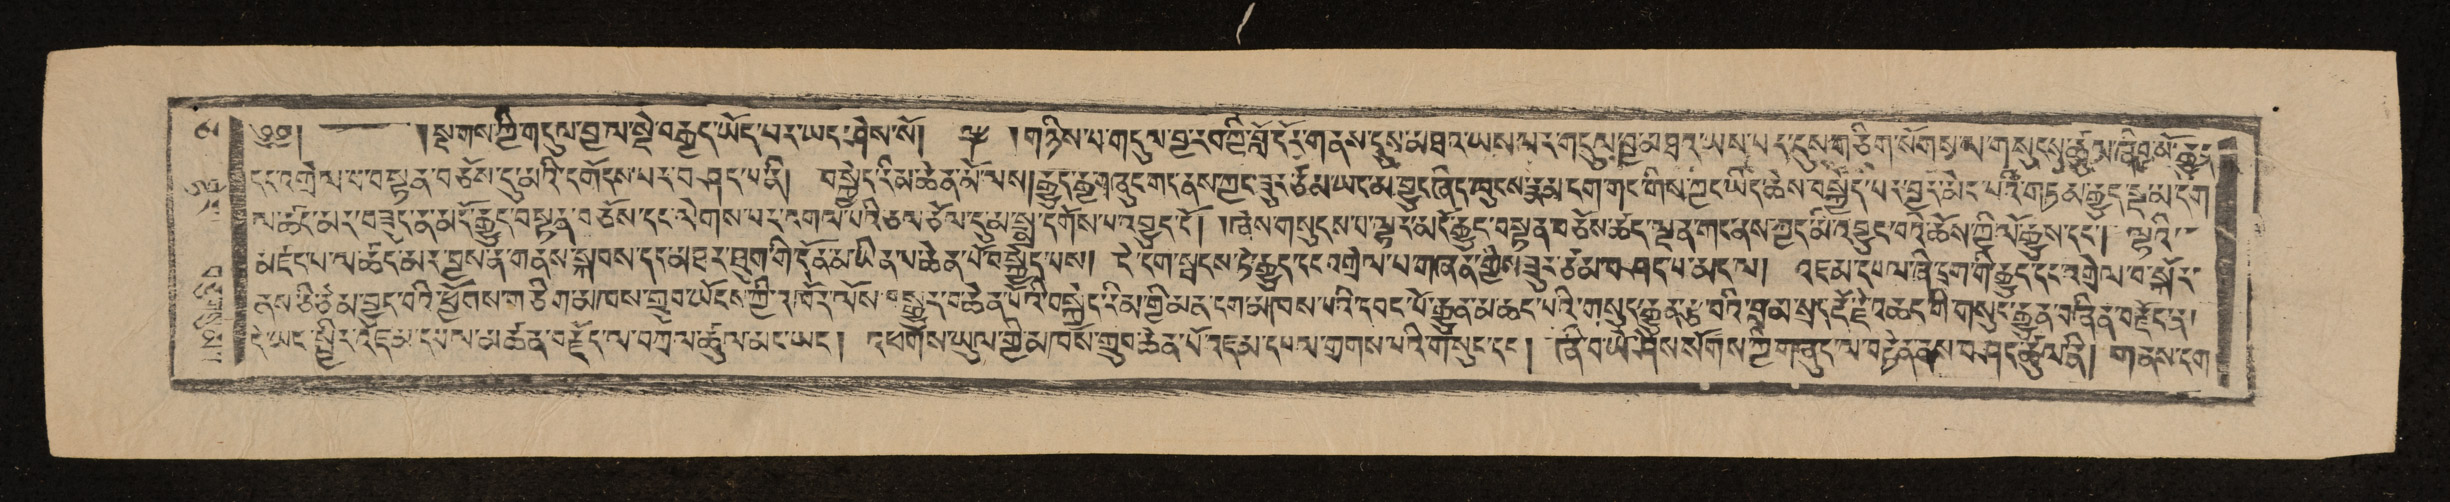༄༅། །སྔགས་ཀྱི་གདུལ་བྱ་ལ་སྡེ་བརྒྱད་ཡོད་པར་ཡང་ཤེས་སོ། ༈ །གཉིས་པ་གདུལ་བྱ་རབ་ཀྱི་བློ་ངོར་གནས་དུས་མཐའ་ཡས་པར་གདུལ་བྱ་མཐའ་ཡས་པར་དུས་གཅིག་སོགས་ལ་གསུངས་ཚུལ་ཞིབ་མོ་རྒྱུད་
དང་འགྲེལ་པ་བསྟན་བཅོས་དུ་མའི་དགོངས་པར་བཤད་པ་ནི། བསྐྱེད་རིམ་ཆེན་མོ་ལས། རྒྱུད་རྒྱ་གཞུང་གང་ནས་ཀྱང་ཟུར་ཙམ་ཡང་མ་བྱུང་ཞིང་ཁུངས་རྣམ་དག་གང་གིས་ཀྱང་ཡིད་ཆེས་བསྐྱེད་པར་བྱར་མེད་པའི་གཏམ་རྒྱུད་སྔ་མ་དག་
ལ་ཚད་མར་བཟུང་ན་མདོ་རྒྱུད་བསྟན་བཅོས་དང་ལེགས་པར་འགལ་བའི་ཅལ་ཅོལ་དུ་མ་སྨྲ་དགོས་པ་འབྱུང་ངོ། །ཞེས་གསུངས་པ་ལྟར་མདོ་རྒྱུད་བསྟན་བཅོས་ཚད་ལྡན་གང་ནས་ཀྱང་མི་འབྱུང་བའི་ཚེ་ཀྱི་ལོ་རྒྱུས་དང་། ལྷའི་
མཛད་པ་ལ་ཚད་མར་བྱས་ན་གནས་སྐབས་དང་མཐར་ཐུག་གི་དོན་མ་ཡིན་བ་ཆེན་པོ་བསྐྱེད་པས། དེ་དག་སྤངས་ཏེ་རྒྱུད་དང་འགྲེལ་པ་གཞན་གྱིས་ཟུར་ཙམ་བཤད་པ་མང་ལ། འཇམ་དཔལ་ཞི་དྲག་གི་རྒྱུད་དང་འགྲེལ་པ་སྐོར་
ནས་ཅི་ཙམ་བྱུང་བའི་ཕྱོགས་གཅིག་མཁས་གྲུབ་ཡོངས་ཀྱི་འཁོར་ལོས་བསྒྱུར་བ་ཆེན་པོའི་བསྐྱེད་རིམ་གྱི་མན་ངག་མཁས་པའི་དབང་པོ་རྒྱུན་མཆད་པའི་གསུང་རྒྱུན་རྩ་བའི་བླ་མ་སྲད་རྡོ་རྗེ་འཆང་གི་གསུང་རྒྱུན་བཞིན་བརྗོད་ན།
དེ་ཡང་སྤྱིར་འཇམ་དཔལ་མཚན་བརྗོད་ལ་བཀྲལ་ཚུལ་མང་ཡང་། འཕགས་ཡུལ་གྱི་མཁས་གྲུབ་ཆེན་པོ་འཇམ་དཔལ་གྲགས་པའི་གསུང་དང་། ཞི་བ་ཡེ་ཤེས་སོགས་ཀྱི་གཞུང་ལ་བརྟེན་ནས་བཤད་ཚུལ་ནི། གནས་དག་